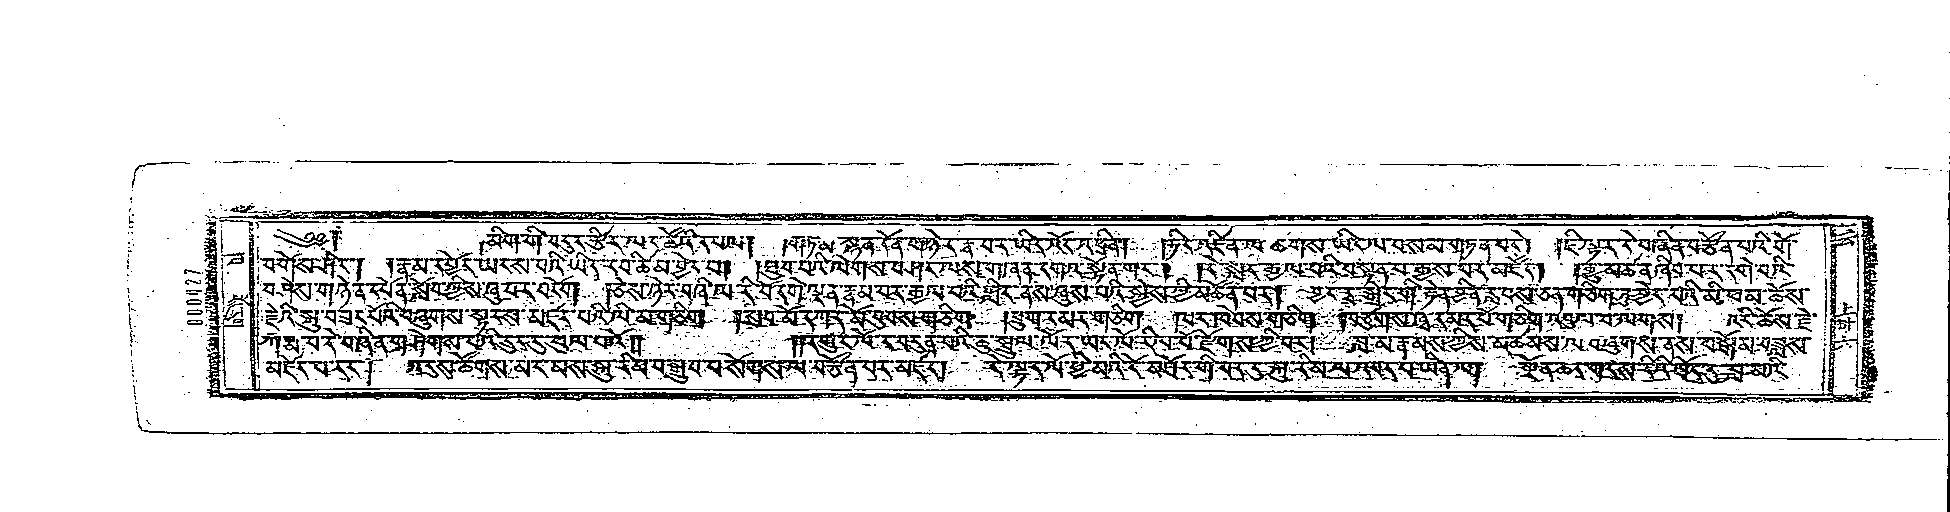༄༅། །མིག་གི་བདུད་རྩིར་ལང་ཚོའི་དཔལ། །གཏམ་སྙན་དོན་གཉེར་རྣ་བར་ཡིད་འོང་འཕྲིན། །ཏིང་འཛིན་ལ་ཆགས་ཡིད་ལ་བསམ་གཏན་བདེ། །ཇི་ལྟར་དེ་བཞིན་བརྩོན་པའི་གོ་
བགོས་ཤིང་། །རྣམ་དཔྱོད་ཡངས་པའི་ཡིད་རབ་ཚིམ་བྱེད་པ། །ཐུབ་པའི་ལེགས་བཤད་ལས་གཞན་དགའ་སྟོན་གང་། །དེ་སླད་རྒྱལ་བའི་བསྟན་པ་རྒྱས་པར་མཛོད། །རྒྱུ་མཚན་ཞིབ་པར་དགེ་བའི་
བཤེས་གཉེན་དཔོན་སློབ་ཀྱིས་ཞུ་བར་བདོག །ཅེས་ཉེར་བཞི་ལ་རི་བོ་དགེ་ལྡན་རྣམ་པར་རྒྱལ་བའི་གླིང་ནས་ཞུས་པའི་སྐྱེས་ཀྱི་མཚོན་པར། བྱང་རྭ་སྒྲེང་གི་རྟེན་བྱིན་རླབས་ཅན་གཅིག་ཏུ་བྱེད་པའི་མི་ཕམ་ཆོས་
རྗེའི་སྐུ་བཟང་པོའི་བཞུགས་སྟངས་མཛད་པའི་ལི་མ་གཅིག །སྲབ་མོ་དཀར་མོ་བུབས་གཅིག །ཕྲུག་དམར་གཅིག་ལར་ཁེབས་གཅིག །བཙུགས་ཞྭ་དམར་པོ་གཅིག་འབུལ་བ་ལགས། འདི་ཆོས་རྗེ་
ཀརྨ་པ་དེ་བཞིན་གཤེགས་པའི་དྲུང་དུ་ཕུལ་བའོ།། །།དགུང་ལོ་ང་བདུན་པའི་ཆུ་སྦྲུལ་ལོར་ཡང་ལོ་རིལ་པོ་རྫོགས་ཀྱི་བར། བླ་མ་རྣམས་ཀྱིས་མཚམས་ལ་བཞུགས་ནས་བསྒོམ་བཟླས་
མཛོད་པ་དང་། འདུས་ཚོགས་མང་མས་སྐུ་རིམ་བསྒྲུབ་པ་སོགས་ལ་བརྩོན་པར་མཛད། དེ་ལྟར་ལོ་ཕྱི་མའི་ངོ་མཐོང་གི་བར་དུ་སྐུ་རིམ་ལ་འབད་པ་ཡིན་ལ། སྔོན་ཆད་གངས་རིའི་ཁྲོད་དུ་བླ་མའི་